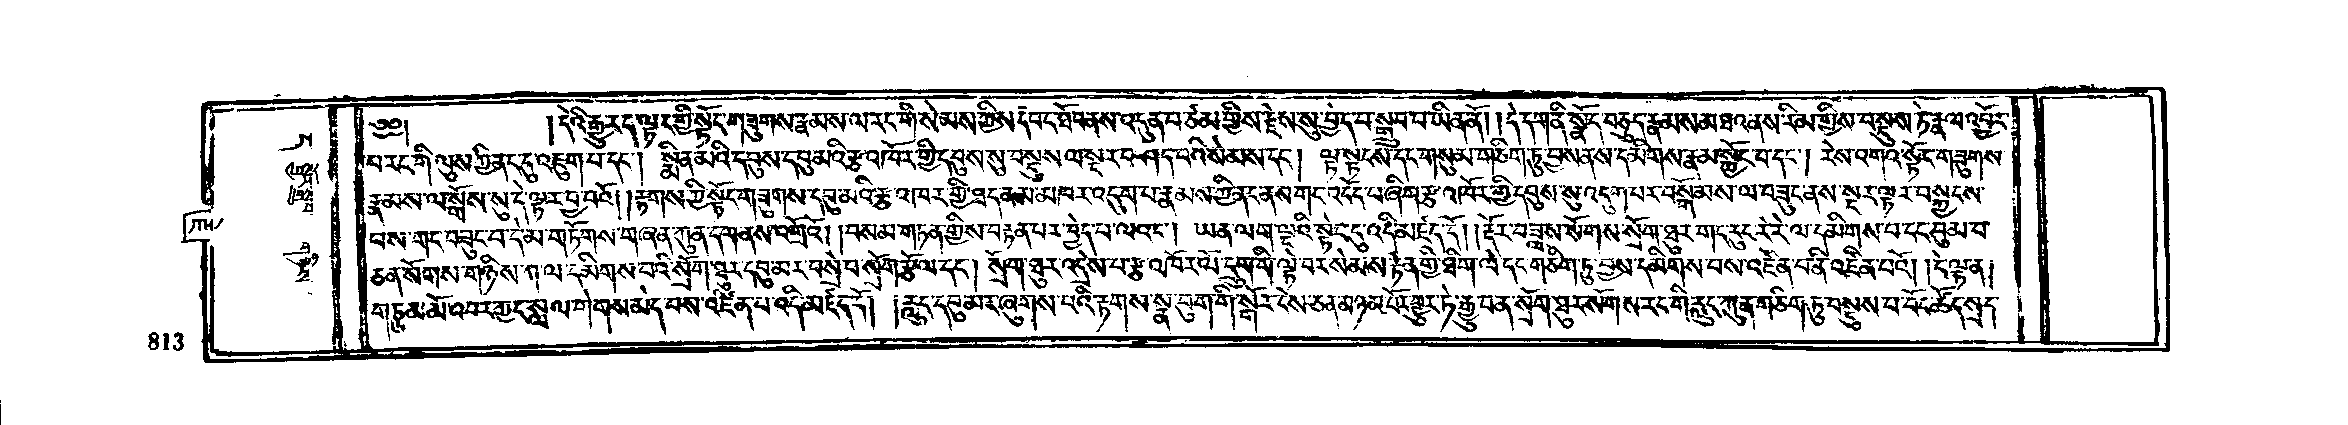༄༅། །དེའི་རྒྱུར་ད་ལྟར་གྱི་སྟོང་གཟུགས་རྣམས་ལ་རང་གི་སེམས་ཀྱིས་དབང་ཐོབ་ནས་འདུན་པ་ཙམ་གྱིས་རྗེས་སུ་བྱེད་པ་སྒྲུབ་པ་ཡིན་ནོ། །དེ་དག་ནི་སྣོད་བཅུད་རྣམས་མཐའ་ནས་རིམ་གྱིས་བསྡུས་ཏེ་རྣལ་འབྱོར་
པ་རང་གི་ལུས་ཀྱི་ནང་དུ་འཇུག་པ་དང་། སྨིན་མའི་དབུས་དབུ་མའི་རྩ་འཁོར་གྱི་དབུས་སུ་བསྡུས་ལ་སྔར་བཤད་པའི་སེམས་དང་། ལྟ་སྟངས་དང་གསུམ་གཅིག་ཏུ་བྱས་ནས་དམིགས་རྣམ་སྐྱོང་བ་དང་། རེས་འགའ་སྟོང་གཟུགས་
རྣམས་ལ་སྒོས་སུ་དེ་ལྟར་བྱ་བའོ། །རྟགས་ཀྱི་སྟོང་གཟུགས་དབུ་མའི་རྩ་འཁར་གྱི་ཐད་ནམ་མཁར་འདུག་པ་རྣམས་ཀྱི་ནང་ནས་གང་འདོད་པ་ཞིག་རྩ་འཁོར་གྱི་དབུས་སུ་འདུག་པར་བསྒོམས་ལ་བཟུང་ནས་སྔར་ལྟར་བསྐྱངས་
པས་གང་བཟུང་བ་དེ་མ་གཏོགས་གཞན་ཀུན་དག་ནས་འགྲོའོ། །བསམ་གཏན་གྱིས་བརྟན་པར་བྱེད་པ་ལའང་། ཡན་ལག་ལྔའི་སྟེང་དུ་འདི་མཛད་དོ། །རྡོར་བཟླས་སོགས་སྲོག་ཐུར་གང་རུང་རེ་རེ་ལ་དམིགས་པ་དང་བུམ་པ་
ཅན་སོགས་གཉིས་ཀ་ལ་དམིགས་པའི་སྲོག་ཐུར་དབུ་མར་བསྲེ་བ་སྲོག་རྩོལ་དང་། སྲོག་ཐུར་འདྲེས་པ་རྩ་འཁོར་ལོ་དྲུག་གི་ལྟེ་བར་སེམས་རྟེན་གྱི་ཐིག་ལེ་དང་གཅིག་ཏུ་བྱས་དམིགས་པས་འཛིན་པ་ནི་འཛིན་པའོ། །དེ་ལྟ་ན།
གཏུམ་མོ་འབར་ཀྱང་སླལ་གེགས་མེད་པས་འཛིན་པ་འདི་མཛད་དོ། །རླུང་དབུ་མར་ཞུགས་པའི་རྟགས་སྣ་བུག་གི་སྒོར་ངེས་ཅན་མཉམ་པོར་གྱུར་ཏེ་སྲོག་རང་གི་རླུང་ཀུན་གཅིག་ཏུ་བསྡུས་པ་བོང་ཚོད་སྲད་